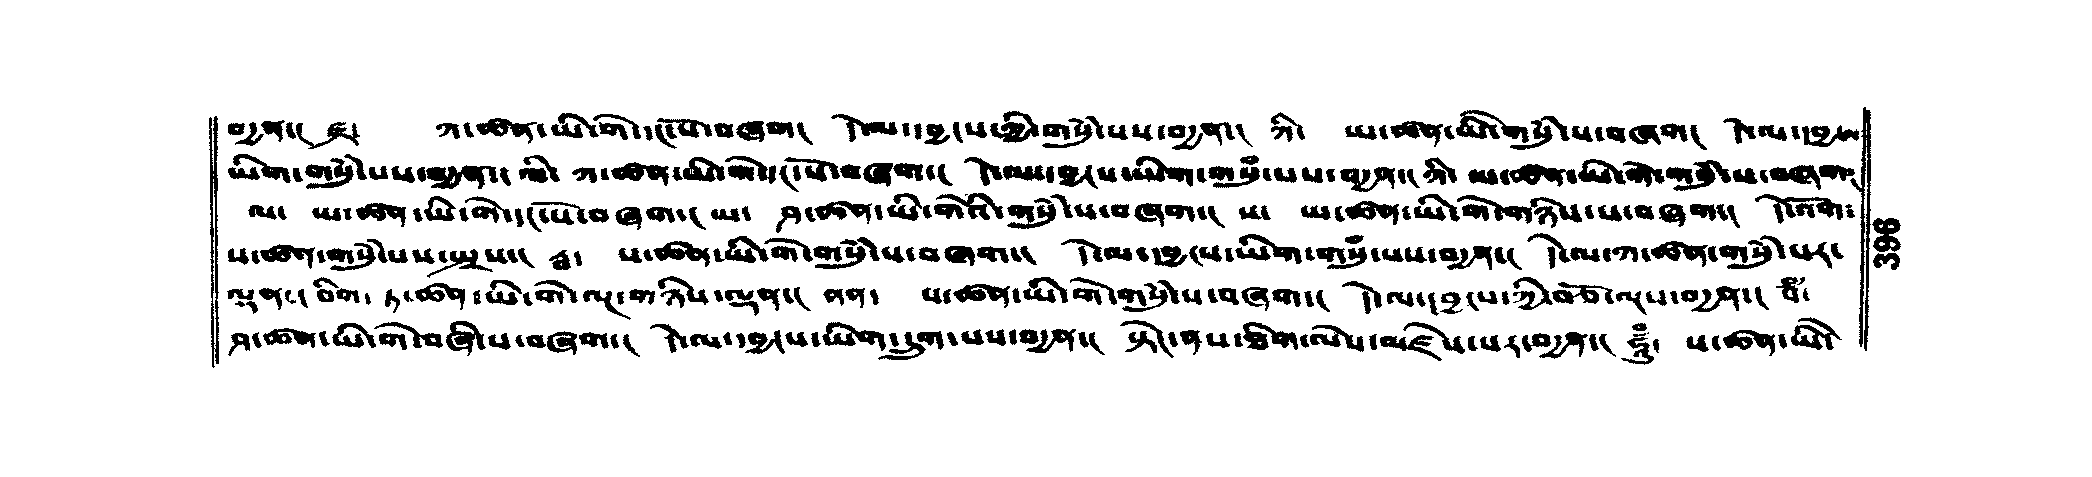བརྒྱན། ཛྲ་ཀ་ཚན་ཡི་གེ་དང་པོ་བཞག་།དེ་ལ་དབྱངས་ཀྱི་གསུམ་པས་བརྒྱན། །ཉི་ཡ་ཚན་ཡི་གེ་གསུམ་པ་བཞག་དེ་ལ་དབྱངས་
ཀྱི་གསུམ་པས་བརྒྱན། །ལི་ཀ་ཚན་ཡི་གེ་དང་པོ་བཞག་།དེ་ལ་དབྱངས་ཡིག་གསུམ་པས་བརྒྱན། །ཀི་ཡ་མཚན་ཡི་གེ་གསུམ་པ་བཞག་།
ལ་ ཡ་མཚན་ཡི་གེ་དང་པོ་ཞག་ས་ཡ་ ཤ་ཚན་ཡི་གེ་གསུམ་་པ་བཞག་། ས་ཡ་མཚན་ཡི་གེ་གསུམ་པ་བཞག་། དེ་འོག་
ས་ཚན་གསུམ་པས་སྤྲས། ། རྦ་ས་ཚན་ཡི་གེ་གསུམ་པ་བཞག་། དེ་ལ་དབྱངས་ཡིག་གསུམ་པས་བརྒྱན། ། དེ་ལ་ཀ་ཚན་གསུམ་པར་
ལྡན། ། བིག་ཏ་ཚན་ཡི་གེ་ལྔ་གཉིས་ལྡན། །ནན་ ས་ཚན་ཡི་གེ་གསུམ་པ་བཞག་། དེ་ལ་དབྱངས་ཀྱི་བཅོ་ལྔས་བརྒྱན། བཾ་
ཤ་ཚན་ཡི་གེ་བཞི་པ་བཞག་། དེ་ལ་དབྱངས་ཡིག་དྲུག་པས་བརྒྱན། །སྟེང་ནས་ཐིག་ལེས་མཛེས་པར་བརྒྱན། ། ཧཱུྂ། ས་ཚན་ཡི་གེ་